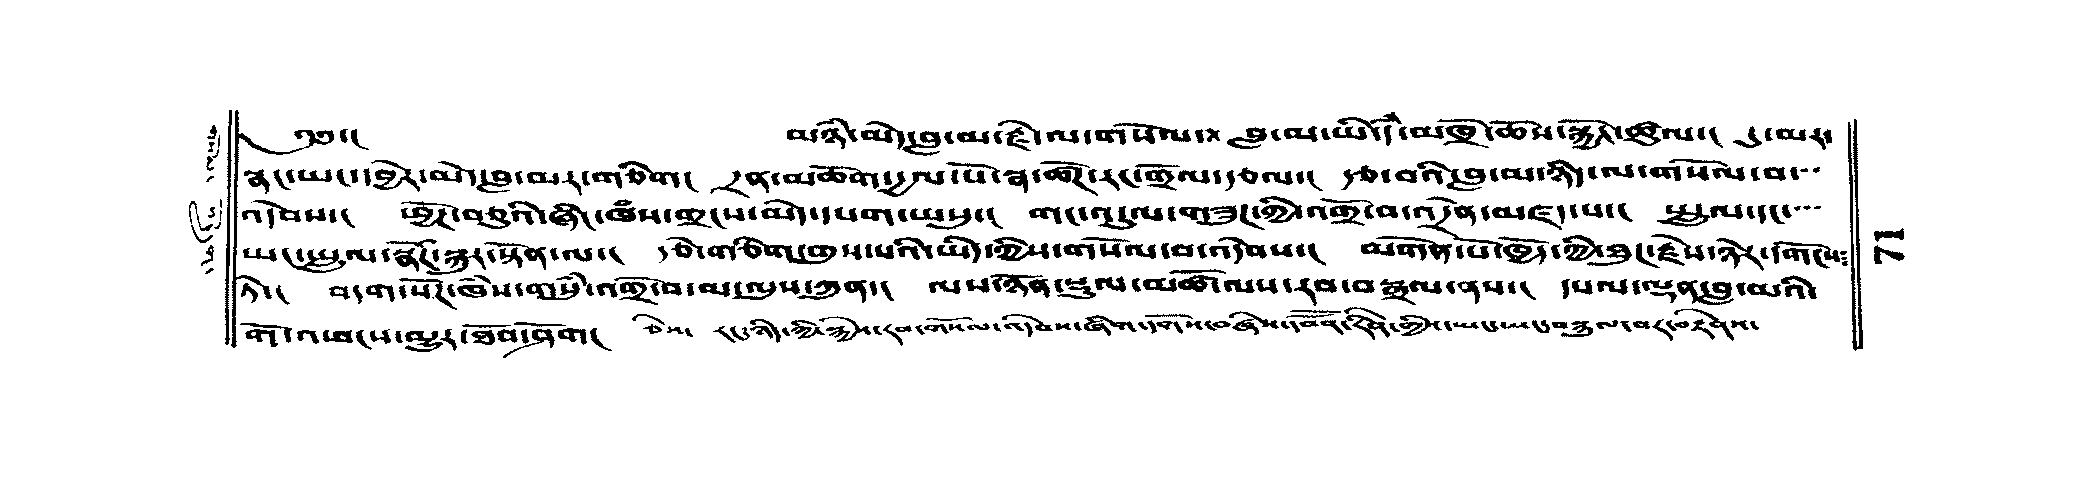།མཉམ་མེད་བླ་མ་རྗེ་ལ་གསོལ༴ །བླ་མ་ཡི་དམ་མཁའ་འགྲོ་ཆོས་སྐྱོང་ཚུལ། །དུ་མར་
སྣང་ཡང་དབྱེར་མེད་བླ་མར་གཅིག །དྲན་མཆོག་རྒྱལ་པོ་སྣ་ཚོགས་རང་གྲོལ་རྩལ། །རྩ་བའི་བླ་མ་ཉིད་ལ་གསོལ་བ་
འདེབས། །ཕྱོགས་བཅུའི་ཞིང་ཁམས་གྲངས་མེད་དཔག་ཡས་སུ། །གང་འདུལ་གཟུགས་ཀྱི་འགྲོ་བ་འདྲེན་མཛད་པ། །སྤྲུལ་དང་
ཡང་སྤྲུལ་སྣ་ཚོགས་སྐུར་སྟོན་ལ། །རྩེ་གཅིག་གུས་པའི་ཡིད་ཀྱིས་གསོལ་བ་འདེབས། མགོན་པོ་ཁྱོད་ཀྱི་ཐུགས་རྗེས་ཉེར་དགོངས་
ཏེ། །བདག་སོགས་ཁམས་གསུམ་འགྲོ་བ་མ་ལུས་ཀུན། །ལས་ཉོན་སྡུག་བསྔལ་མཚོ་ལས་རབ་བསྒྲལ་ནས། །དཔལ་ལྡན་བླ་མའི་
གོ་འཕང་མྱུར་ཐོབ་ཤོག ཅེས་རང་ཉིད་ཀྱི་སྐྱེས་རབས་གསོལ་འདེབས་ཤིག་དགོས་ཞེས་དབོན་པོ་རིན་ཆེན་གྱིས་ཡང་ཡང་བསྐུལ་བར་བརྟེན་ནས་